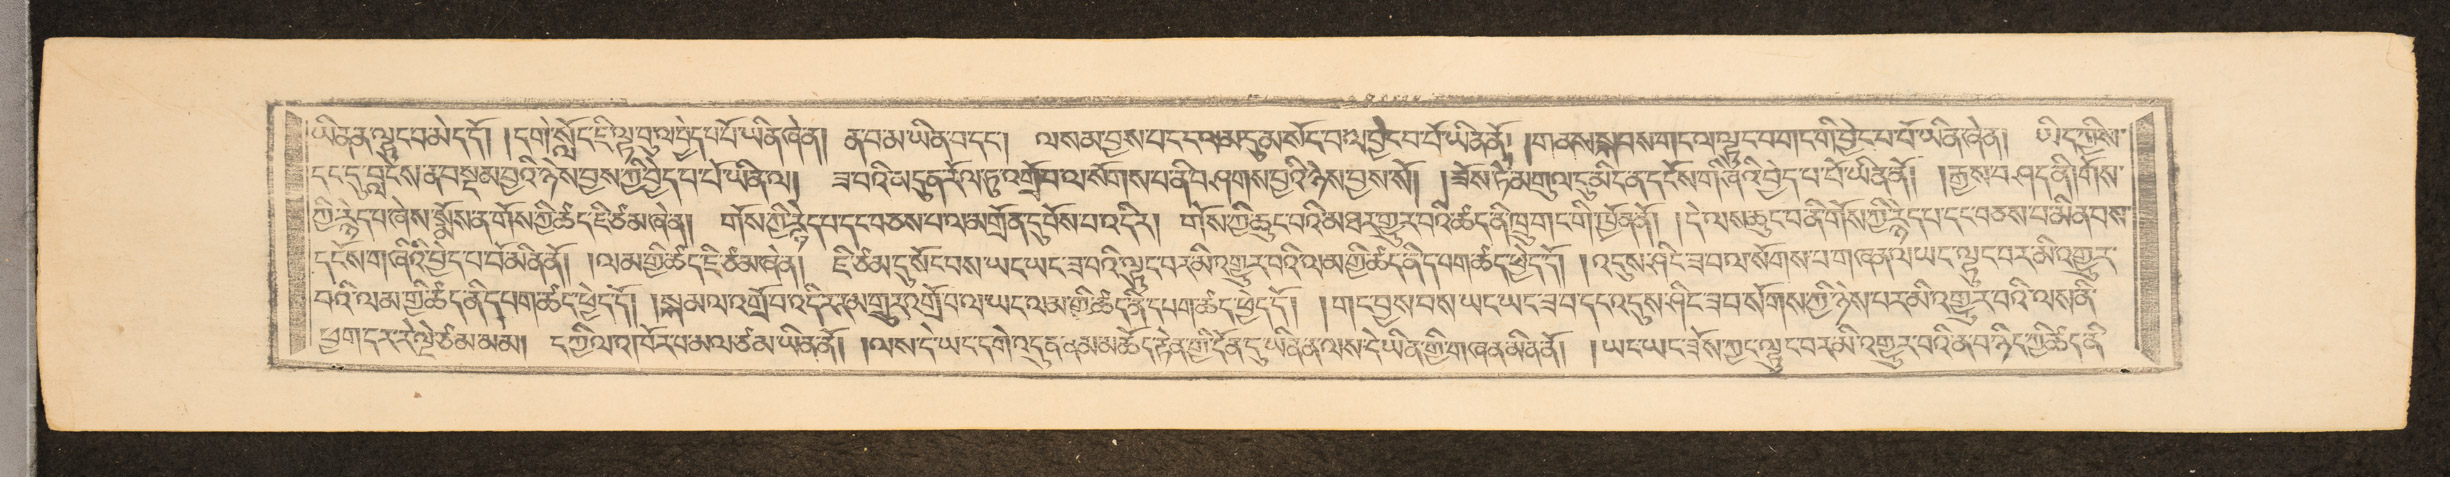ཡིན་ན་ལྟུང་བ་མེད་དོ། །དགེ་སློང་ཇི་ལྟ་བུ་བ་བྱེད་པ་པོ་ཡིན་ཞེན། ན་བ་མ་ཡིན་པ་དང་། ལས་མ་བྱས་པ་དང་ལམ་དུ་མ་སོང་བ་ལ་བྱེད་པ་པོ་ཡིན་ནོ། །གནས་སྐབས་གང་ལ་ལྟུང་བ་གང་གི་བྱེད་པ་པོ་ཡིན་ཞེན། ཡིད་ཀྱིས་
དང་དུ་བླངས་ན་བསྡམ་བྱའི་ཉེས་བྱས་ཀྱི་བྱེད་པ་པོ་ཡིན་ལ། ཟ་བའི་མདུན་རོལ་ཏུ་འགྲོ་བ་ལ་སོགས་པ་ནི་བཤགས་བྱའི་ཉེས་བྱས་སོ། །ཟོས་ཏེ་མགུལ་དུ་མིད་ན་དངོས་གཞིའི་བྱེད་པ་པོ་ཡིན་ནོ། །རྒྱས་བཤད་ནི། གོས་
ཀྱི་རྙེད་པ་ཞེས་སྨོས་ན་གོས་ཀྱི་ཚད་ཇི་ཙམ་ཞེན། གོས་ཀྱི་རྙེད་པ་དང་བཅས་པ་ལ་མགྲོན་དུ་བོས་པ་འདིར། གོས་ཀྱི་ཆུང་བའི་མཐར་གྱུར་པའི་ཚད་ནི་ཁྲུ་གང་གི་ཁྱོན་ནོ། །དེ་ལས་ཆུང་བ་ནི་གོས་ཀྱི་རྙེད་པ་དང་བཅས་པ་མིན་པས་
དངོས་གཞིའི་བྱེད་པ་པོ་མིན་ནོ། །ལམ་གྱི་ཚད་ཇི་ཙམ་ཞེ་ན། ཇི་ཙམ་དུ་སོང་བས་ཡང་ཡང་ཟ་བའི་ལྟུང་བར་མི་འགྱུར་བའི་ལམ་གྱི་ཚད་ནི་དཔག་ཚད་བྱེད་དོ། །འདུས་ཤིང་ཟབ་ལ་སོགས་པ་གཞན་ལ་ཡང་ལྟུང་བར་མི་འགྱུར་
བའི་ལམ་གྱི་ཚད་ནི་དཔག་ཚད་ཕྱེད་དོ། །སྐམ་ལ་འགྲོ་བ་འདིར་རམ་གྲུར་འགྲོ་བ་ལ་ཡང་ལམ་གྱི་ཚད་ནི་དཔག་ཚད་ཕྱེད་དོ། །གང་བྱས་པས་ཡང་ཡང་ཟ་བ་དང་འདུས་ཤིང་ཟ་བ་སོགས་ཀྱི་ཉེས་པར་མི་འགྱུར་བའི་ལས་ནི་
ཕྱག་དར་རེ་ལྡེ་ཙམ་མ་མ། དཀྱིལ་འཁོར་བ་མལ་ཙམ་ཡིན་ནོ། །ལས་དེ་ཡང་དགེ་འདུན་ནམ་མཆོད་རྟེན་གྱི་དོན་དུ་ཡིན་ན་ལས་དེ་ཡིན་གྱི་གཞན་མིན་ནོ། །ཡན་ཡང་ཟོས་ཀྱང་ལྟུང་བར་མི་འགྱུར་བའི་ན་བ་ཉིད་ཀྱི་ཚད་ནི་